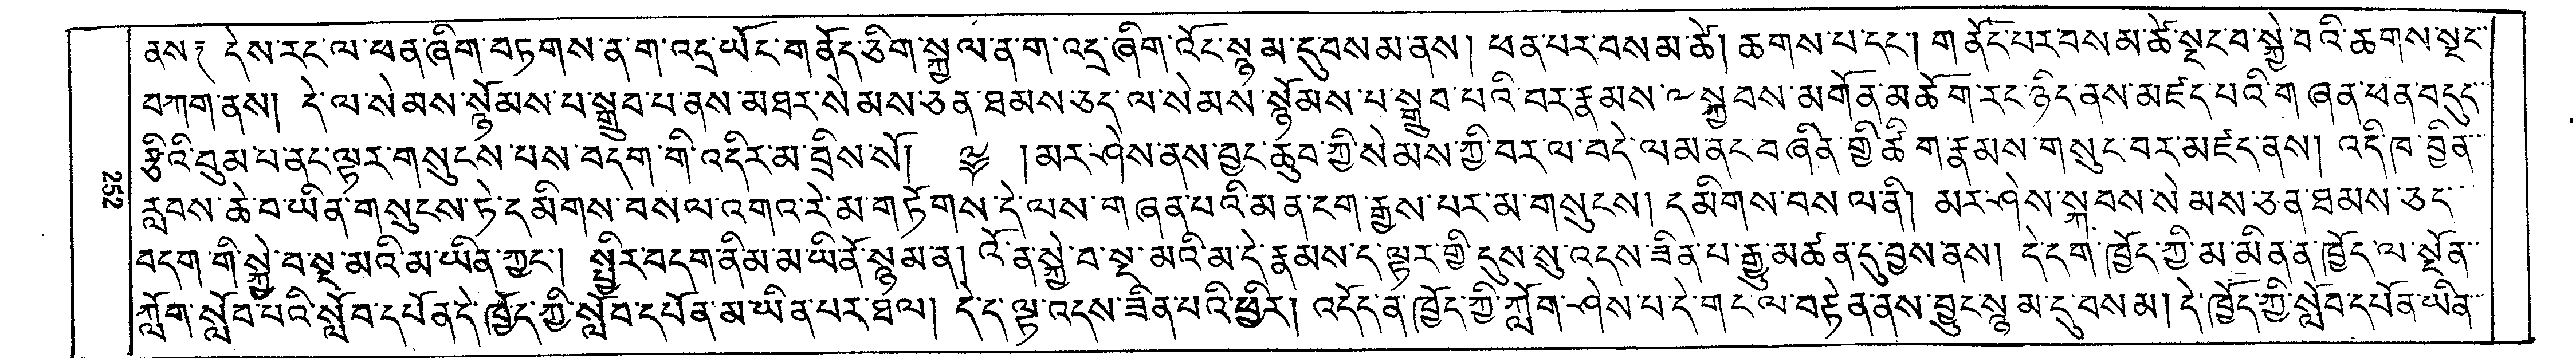ནས༑ དེས་རང་ལ་ཕན་ཞིག་བཏགས་ན་ག་འདྲ་ཡོང་གནོད་ཅིག་སྐྱལ་ན་ག་འདྲ་ཞིག་འོང་སྙམ་དུ་བསམ་ནས། ཕན་པར་བསམ་ཚེ། ཆགས་པ་དང་། གནོད་པར་བསམ་ཚེ་སྡང་བ་སྐྱེ་བའི་ཆགས་སྡང་
བཀག་ནས། དེ་ལ་སེམས་སྙོམས་པ་སྒྲུབ་པ་ནས་མཐར་སེམས་ཅན་ཐམས་ཅད་ལ་སེམས་སྙོམས་པ་སྒྲུབ་པའི་བར་རྣམས ༧སྐྱབས་མགོན་མཆོག་རང་ཉིད་ནས་མཛད་པའི་གཞན་ཕན་བདུད་
རྩིའི་བུམ་པ་ནང་ལྟར་གསུངས་པས་བདག་གི་འདིར་མ་བྲིས་སོ། ༈ །མར་ཤེས་ནས་བྱང་ཆུབ་ཀྱི་སེམས་ཀྱི་བར་ལ་བདེ་ལམ་ནང་བཞིན་གྱི་ཚིག་རྣམས་གསུང་བར་མཛད་ནས། འདི་ཁ་བྱིན་
རླབས་ཆེ་བ་ཡིན་གསུངས་ཏེ་དམིགས་བསལ་འགའ་རེ་མ་གཏོགས་དེ་ལས་གཞན་པའི་མན་ངག་རྒྱས་པར་མ་གསུངས། དམིགས་བསལ་ནི། མར་ཤེས་སྐབས་སེམས་ཅན་ཐམས་ཅད་
བདག་གི་སྐྱེ་བ་སྔ་མའི་མ་ཡིན་ཀྱང་། སྤྱིར་བདག་གི་ནི་མ་མ་ཡིན་ནོ་སྙམ་ན། འོ་ན་སྐྱེ་བ་སྔ་མའི་མ་དེ་རྣམས་ད་ལྟར་གྱི་དུས་སུ་འདས་ཟིན་པ་རྒྱུ་མཚན་དུ་བྱས་ནས། དེ་དག་ཁྱོད་ཀྱི་མ་མིན་ན་ཁྱོད་ལ་སྔོན་
ཀློག་སློབ་པའི་སློབ་དཔོན་དེ་ཁྱོད་ཀྱི་སློབ་དཔོན་མ་ཡིན་པར་ཐལ། དེ་ད་ལྟ་འདས་ཟིན་པའི་ཕྱིར། འདོད་ན་ཁྱོད་ཀྱི་ཀློག་ཤེས་པ་དེ་གང་ལ་བརྟེན་ནས་བྱུང་སྙམ་དུ་བསམ། དེ་ཁྱོད་ཀྱི་སློབ་དཔོན་ཡིན་